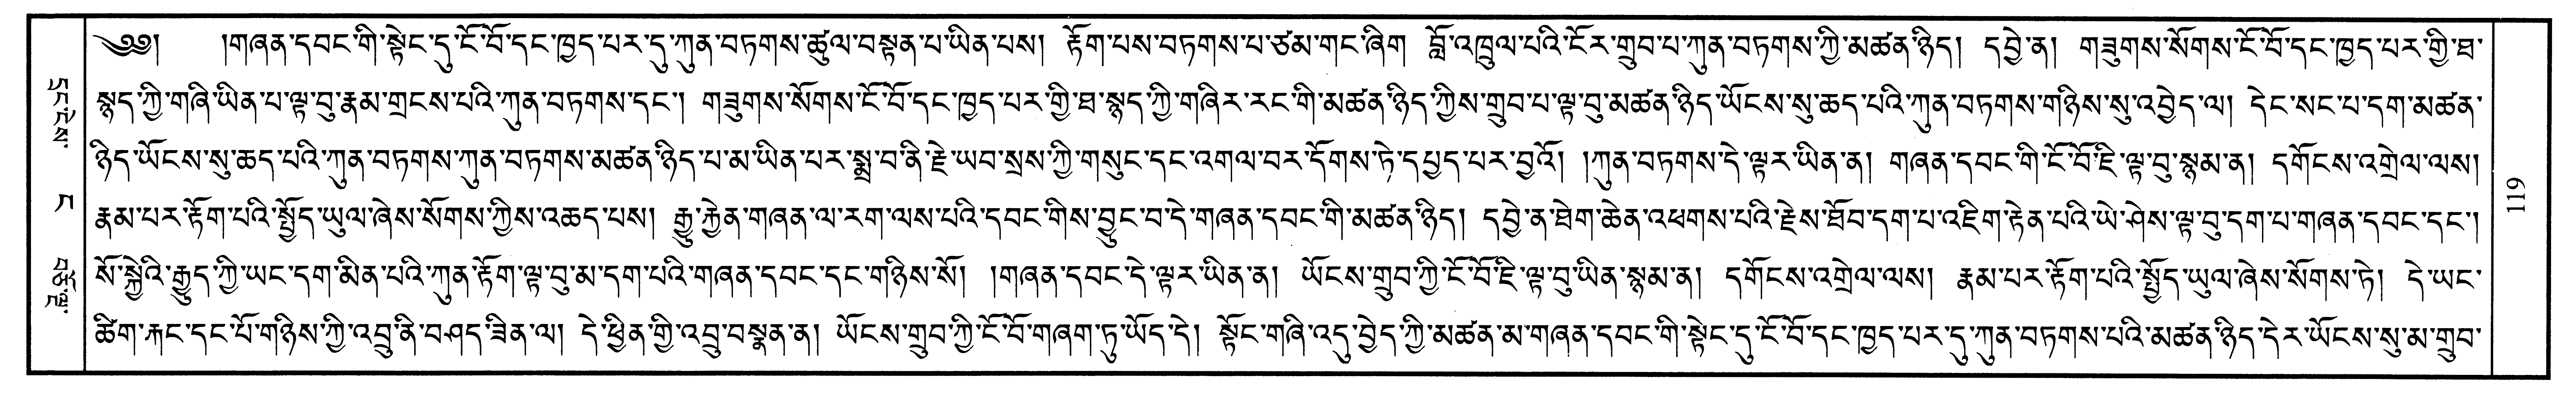༄༅། །གཞན་དབང་གི་སྟེང་དུ་ངོ་བོ་དང་ཁྱད་པར་དུ་ཀུན་བཏགས་ཚུལ་བསྟན་པ་ཡིན་པས། རྟོག་པས་བཏགས་པ་ཙམ་གང་ཞིག་བློ་འཁྲུལ་པའི་ངོར་གྲུབ་པ་ཀུན་བཏགས་ཀྱི་མཚན་ཉིད། དབྱེ་ན། གཟུགས་སོགས་ངོ་བོ་དང་ཁྱད་པར་གྱི་ཐ་
སྙད་ཀྱི་གཞི་ཡིན་པ་ལྟ་བུ་རྣམ་གྲངས་པའི་ཀུན་བཏགས་དང་། གཟུགས་སོགས་ངོ་བོ་དང་ཁྱད་པར་གྱི་ཐ་སྙད་ཀྱི་གཞིར་རང་གི་མཚན་ཉིད་ཀྱིས་གྲུབ་པ་ལྟ་བུ་མཚན་ཉིད་ཡོངས་སུ་ཆད་པའི་ཀུན་བཏགས་གཉིས་སུ་འབྱེད་ལ། དེང་སང་པ་དག་མཚན་
ཉིད་ཡོངས་སུ་ཆད་པའི་ཀུན་བཏགས་ཀུན་བཏགས་མཚན་ཉིད་པ་མ་ཡིན་པར་སྨྲ་བ་ནི་རྗེ་ཡབ་སྲས་ཀྱི་གསུང་དང་འགལ་བར་དོགས་ཏེ་དཔྱད་པར་བྱའོ། །ཀུན་བཏགས་དེ་ལྟར་ཡིན་ན། གཞན་དབང་གི་ངོ་བོ་ཇི་ལྟ་བུ་སྙམ་ན། དགོངས་འགྲེལ་ལས།
རྣམ་པར་རྟོག་པའི་སྤྱོད་ཡུལ་ཞེས་སོགས་ཀྱིས་འཆད་པས། རྒྱུ་རྐྱེན་གཞན་ལ་རག་ལས་པའི་དབང་གིས་བྱུང་བ་དེ་གཞན་དབང་གི་མཚན་ཉིད། དབྱེ་ན་ཐེག་ཆེན་འཕགས་པའི་རྗེས་ཐོབ་དག་པ་འཇིག་རྟེན་པའི་ཡེ་ཤེས་ལྟ་བུ་དག་པ་གཞན་དབང་དང་།
སོ་སྐྱེའི་རྒྱུད་ཀྱི་ཡང་དག་མིན་པའི་ཀུན་རྟོག་ལྟ་བུ་མ་དག་པའི་གཞན་དབང་དང་གཉིས་སོ། །གཞན་དབང་དེ་ལྟར་ཡིན་ན། ཡོངས་གྲུབ་ཀྱི་ངོ་བོ་ཇི་ལྟ་བུ་ཡིན་སྙམ་ན། དགོངས་འགྲེལ་ལས། རྣམ་པར་རྟོག་པའི་སྤྱོད་ཡུལ་ཞེས་སོགས་ཏེ། དེ་ཡང་
ཚིག་རྐང་དང་པོ་གཉིས་ཀྱི་འབྲུ་ནི་བཤད་ཟིན་ལ། དེ་ཕྱིན་གྱི་འབྲུ་བསྣན་ན། ཡོངས་གྲུབ་ཀྱི་ངོ་བོ་གཞག་ཏུ་ཡོད་དེ། སྟོང་གཞི་འདུ་བྱེད་ཀྱི་མཚན་མ་གཞན་དབང་གི་སྟེང་དུ་ངོ་བོ་དང་ཁྱད་པར་དུ་ཀུན་བཏགས་པའི་མཚན་ཉིད་དེར་ཡོངས་སུ་མ་གྲུབ་